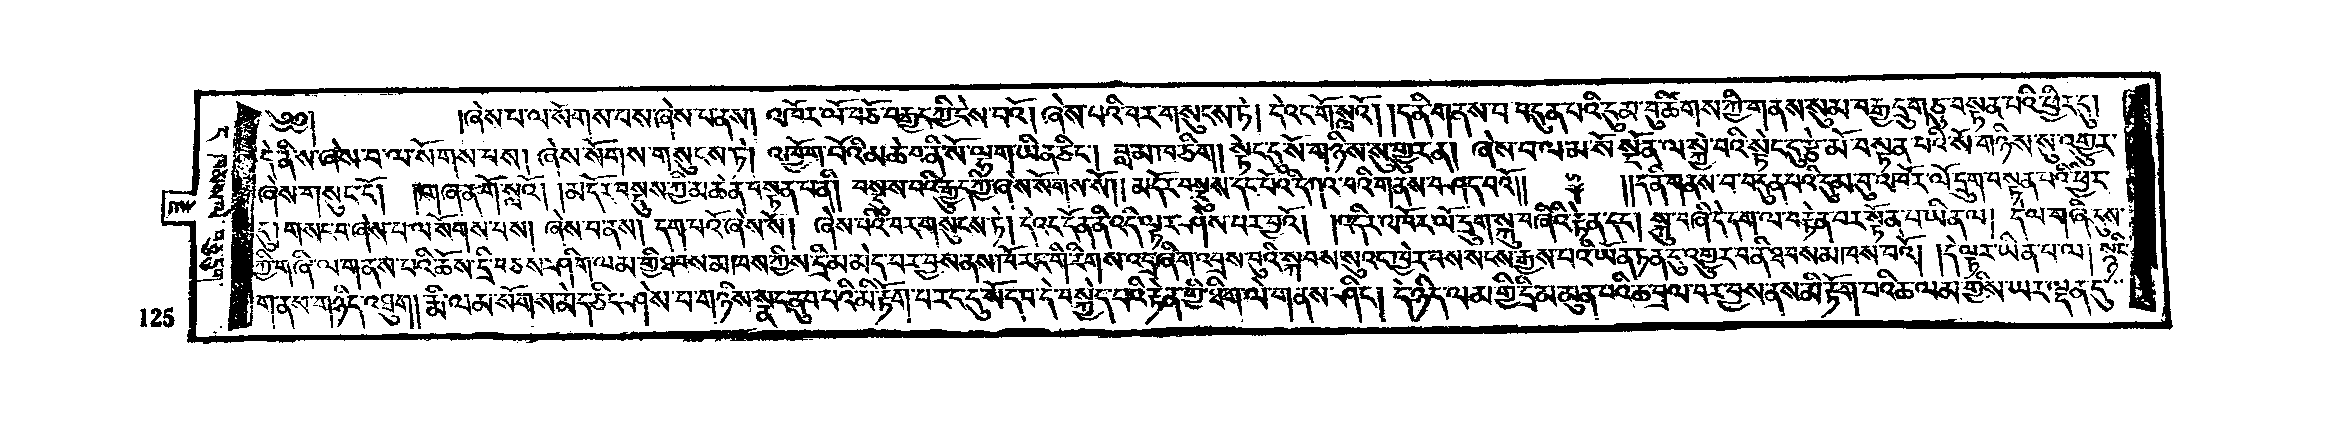༄༅། །ཞེས་པ་ལ་སོགས་པས་ཞེས་པ་ནས། འཁོར་ལོ་བཅོ་བརྒྱད་ཀྱི་ངེས་པའོ། ཞེས་པའི་བར་གསུངས་ཏེ། དེའང་གོ་སླའོ། །ད་ནི་གནས་པ་བདུན་པའི་དུམ་བུ་ཚིགས་ཀྱི་གནས་སུམ་བརྒྱ་དྲུག་ཅུ་བསྟན་པའི་ཕྱིར་དུ།
དེ་ནི་ས་ཞེས་པ་ལ་སོགས་པས། ཞེས་སོགས་གསུངས་ཏེ། འཁྱོག་པོའི་མཆེ་བ་ནི་སོ་ལྷག་ཡིན་ཅིང་། བླ་མ་ཁ་ཅིག །སྟེང་དུ་སོ་གཉིས་སུ་གྱུར་ན། ཞེས་པ་ལམ་སོ་སྔོན་ལ་སྐྱེ་བའི་སྟེང་དུ་རྩེ་མོ་བསྟན་པའི་སོ་གཉིས་སུ་འགྱུར་
ཞེས་གསུང་ངོ། །གཞན་གོ་སླའོ། །མདོར་བསྡུས་ཀྱི་མཚན་བསྟན་པ་ནི། བསྡུས་པའི་རྒྱུད་ཀྱི་ཞེས་སོགས་སོ། །མདོར་བསྡུས་དང་པོའི་དཀའ་བའི་གནས་བཤད་པའོ།། ༈ །།ད་ནི་གནས་པ་བདུན་པའི་དུམ་བུ་འཁོར་ལོ་དྲུག་བསྟན་པའི་ཕྱིར་
དུ། གསང་བ་ཞེས་པ་ལ་སོགས་པས། ཞེས་པ་ནས། དག་པའོ་ཞེས་སོ། ཞེས་པའི་བར་གསུངས་ཏེ། དེའང་དོན་ནི་འདི་ལྟར་ཤེས་པར་བྱའོ། །འདིར་འཁོར་ལོ་དྲུག་སྐུ་བཞིའི་རྟེན་དང་། སྐུ་བཞི་དེ་དག་ལ་བརྟེན་པར་སྟོན་པ་ཡིན་ལ། དེ་ལ་གཞི་དུས་
ཀྱི་གཞི་ལ་གནས་པའི་ཆོས་དྲི་བཅས་ཤིག་ལམ་གྱི་ཐབས་མཁས་ཀྱིས་དྲི་མ་མེད་པར་བྱས་ནས་ཁོ་རང་གི་རིགས་འདྲ་ཞིག་འབྲས་བུའི་སྐབས་སུའང་ཁྱེར་བས་སངས་རྒྱས་པའི་ཡོན་ཏན་དུ་འགྱུར་བ་ནི་ཐབས་མཁས་པའོ། །དེ་ལྟར་ཡིན་པ་ལ། སྙིང་
ག་ནས་གཉིད་འཐུག །རྨི་ལམ་སོགས་མེད་ཅིང་ཤེས་པ་གཉིས་སྣང་ནུབ་པའི་མི་རྟོག་པ་རང་དུ་སོད་པ་དེ་བསྐྱེད་པའི་རྟེན་གྱི་ཐིག་ལེ་གནས་ཤིང་། དེ་ཉིད་ལམ་གྱི་དྲི་མ་མུན་པའི་ཆ་བྲལ་བར་བྱས་ནས་མི་རྟོག་པའི་ཆ་ལམ་གྱིས་ཡར་ལྡན་དུ་